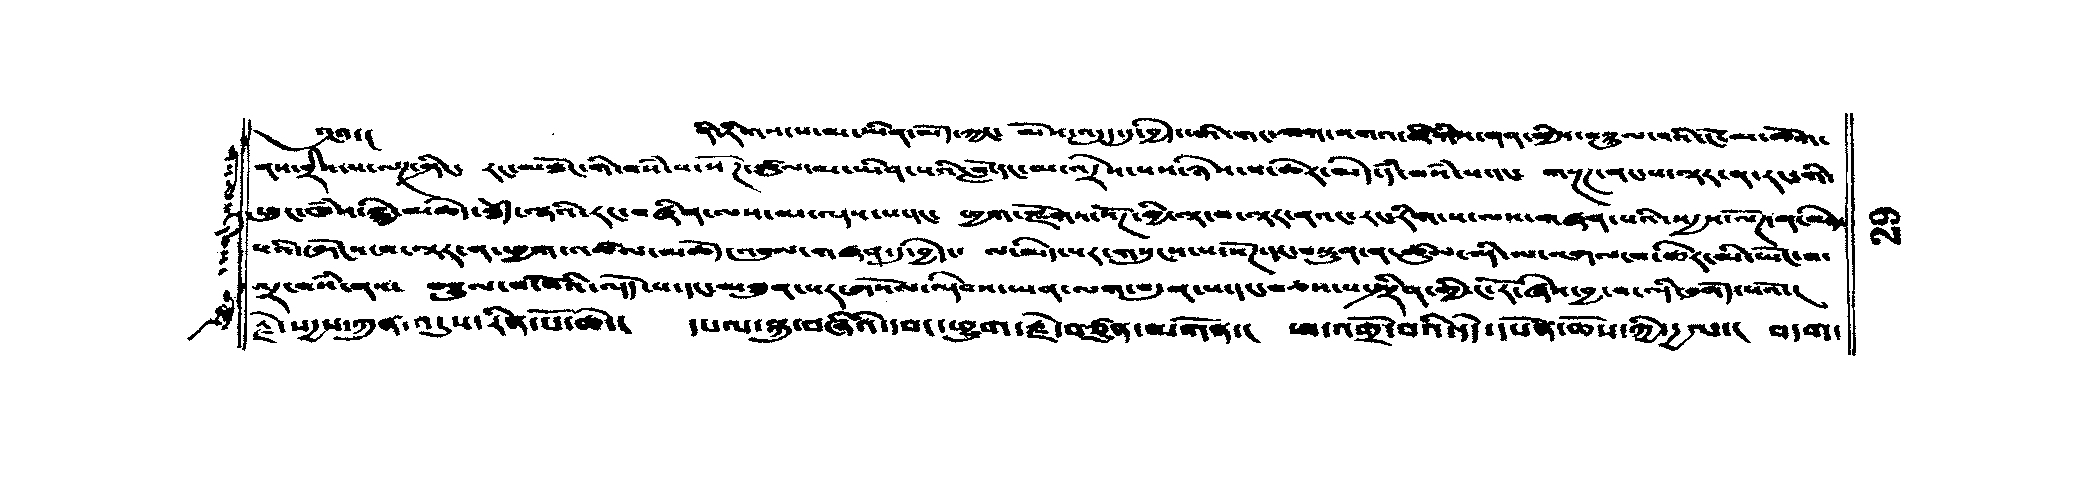ནི་རིགས་པ་མ་ཡིན་མོད་ཀྱང་། མོས་འདུད་དུ་བྱེད་པའི་གང་ཟག་འགའ་ཞིག་གིས་ནན་གྱིས་བསྐུལ་བའི་ངོ་མ་ཆོག་
ནས་བྲིས་པ་ལགས་ཤིང་། རང་མཐོང་གི་བསམ་པ་སོགས་ཚུལ་མ་ཡིན་པའི་བློ་དང་མ་འདྲེས་པས་ཉེས་པ་ཆེར་མེད་དམ་བསམ་པ་དང་། གསང་སྔགས་ནང་པ་ལྟར་ན་རང་གི་
ཕུང་ཁམས་སྐྱེ་མཆེད་ཐམས་ཅད་ལྷའི་རང་བཞིན་ལས་མ་འདས་པ་དང་། ཕྱག་རྫོགས་སོགས་ཀྱི་ལྟ་བ་ལྟར་ནའང་རང་རིག་པ་ལས་གཞན་པའི་སངས་རྒྱས་ལོགས་ན་མེད་
པའི་དགོངས་པ་ལྟར་ན་ཕྱག་འཚལ་མཆོད་འབུལ་གཞན་དུ་བྱེད་སྲོལ་མེད་པར་གསུངས་པ་སོགས་དང་བསྟུན་ན་ཚུལ་འདི་ལ་འགལ་བ་ཆེར་མི་ཡོང་བ་
འདྲ་བསམ་ནས། བསྐུལ་པ་པོའི་འདོད་པ་དང་མཐུན་པར་གསོལ་འདེབས་ཡན་ལག་བདུན་པ་དང་བཅས་པ་སྤྲིན་གྱི་ང་རོ་ཞེས་བྱ་བ་འདི་བཀོད་པའོ།། 
རྗེ་སངས་རྒྱས་ཀུན་འདུས་རིན་པོ་ཆེ། །དཔལ་སྐུ་བཞིའི་དབང་ཕྱུག་རྗེ་བཙུན་མགོན། །ཕ་འགྲོ་བའི་དེད་དཔོན་ཆོས་ཀྱི་རྒྱལ། །བདག་